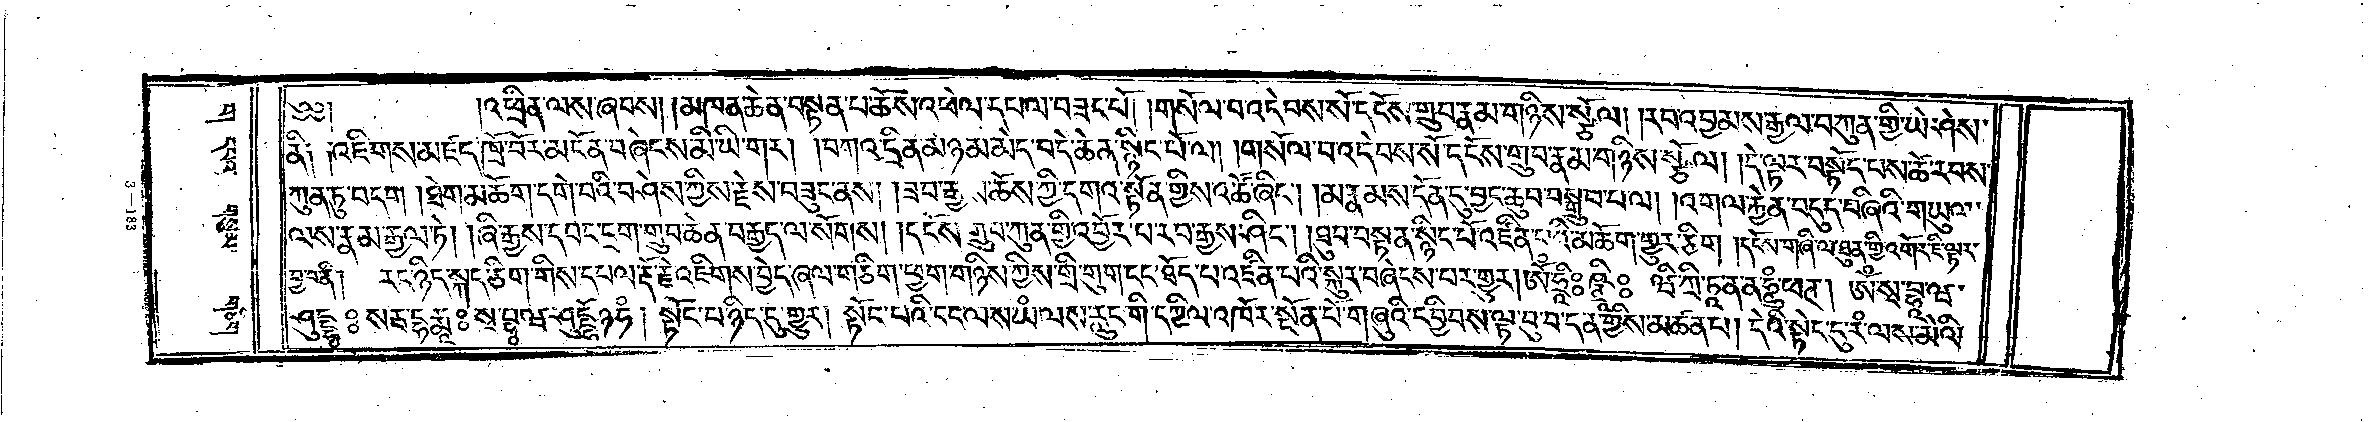༄༅། །འཕྲིན་ལས་ཞབས། །མཁན་ཆེན་བསྟན་པ་ཆོས་འཕེལ་དཔལ་བཟང་པོ། །གསོལ་བ་འདེབས་སོ་དངོས་གྲུབ་རྣམ་གཉིས་སྩོལ། །རབ་འབྱམས་རྒྱལ་བ་ཀུན་གྱི་ཡེ་ཤེས་
ནི༑ ༑འཇིགས་མཛད་ཁྲོ་བོར་མངོན་བཞེངས་མི་ཡི་གར། །བཀའ་དྲིན་མཉམ་མེད་བདེ་ཆེན་སྙིང་པོ་ལ། །གསོལ་བ་འདེབས་སོ་དངོས་གྲུབ་རྣམ་གཉིས་སྩོལ། །དེ་ལྟར་བསྟོད་པས་ཚེ་རབས་
ཀུན་ཏུ་བདག །ཐེག་མཆོག་དགེ་བའི་བཤེས་ཀྱིས་རྗེས་བཟུང་ནས། །ཟབ་རྒྱས་ཆོས་ཀྱི་དགའ་སྟོན་གྱིས་འཚོ་ཞིང་། །མ་རྣམས་དོན་དུ་བྱང་ཆུབ་བསྒྲུབ་པ་ལ། །འགལ་རྐྱེན་བདུད་བཞིའི་གཡུལ་
ལས་རྣམ་རྒྱལ་ཏེ། །ཞི་རྒྱས་དབང་དྲག་གྲུབ་ཆེན་བརྒྱད་ལ་སོགས། །དངོས་གྲུབ་ཀུན་གྱི་འབྱོར་པ་རབ་རྒྱས་ཤིང་། །ཐུབ་བསྟན་སྙིང་པོ་འཛིན་པའི་མཆོག་གྱུར་ཅིག །དངོས་གཞི་ལ་ཐུན་གྱི་འགོར་ཇི་ལྟར་
བྱ་བ་ནི། རང་ཉིད་སྐད་ཅིག་གིས་དཔལ་རྡོ་རྗེ་འཇིགས་བྱེད་ཞལ་གཅིག་ཕྱག་གཉིས་ཀྱིས་གྲི་གུག་དང་ཐོད་པ་འཛིན་པའི་སྐུར་བཞེངས་བར་གྱུར། ཨོཾ་ཧྲཱིཿ ཥྚྲཱིཿ ཝི་ཀྲི་ཏཱ་ན་ན་ཧཱུཾ་ཕཊ། ཨོཾ་སྭ་བྷཱ་ཝ་
ཤུདྡྷཱཿ སརྦ་དྷརྨཱཿ སྭ་བྷཱ྾་ཤུདྡྷོཉཧཾ། སྟོང་པ་ཉིད་དུ་གྱུར། །སྟོང་པའི་ངང་ལས་ཡཾ་ལས་རླུང་གི་དཀྱིལ་འཁོར་སྔོན་པོ་གཞུའི་དབྱིབས་ལྟ་བུ་བ་དན་གྱིས་མཚན་པ། དེའི་སྟེང་དུ་རཾ་ལས་མཻ་ལི་